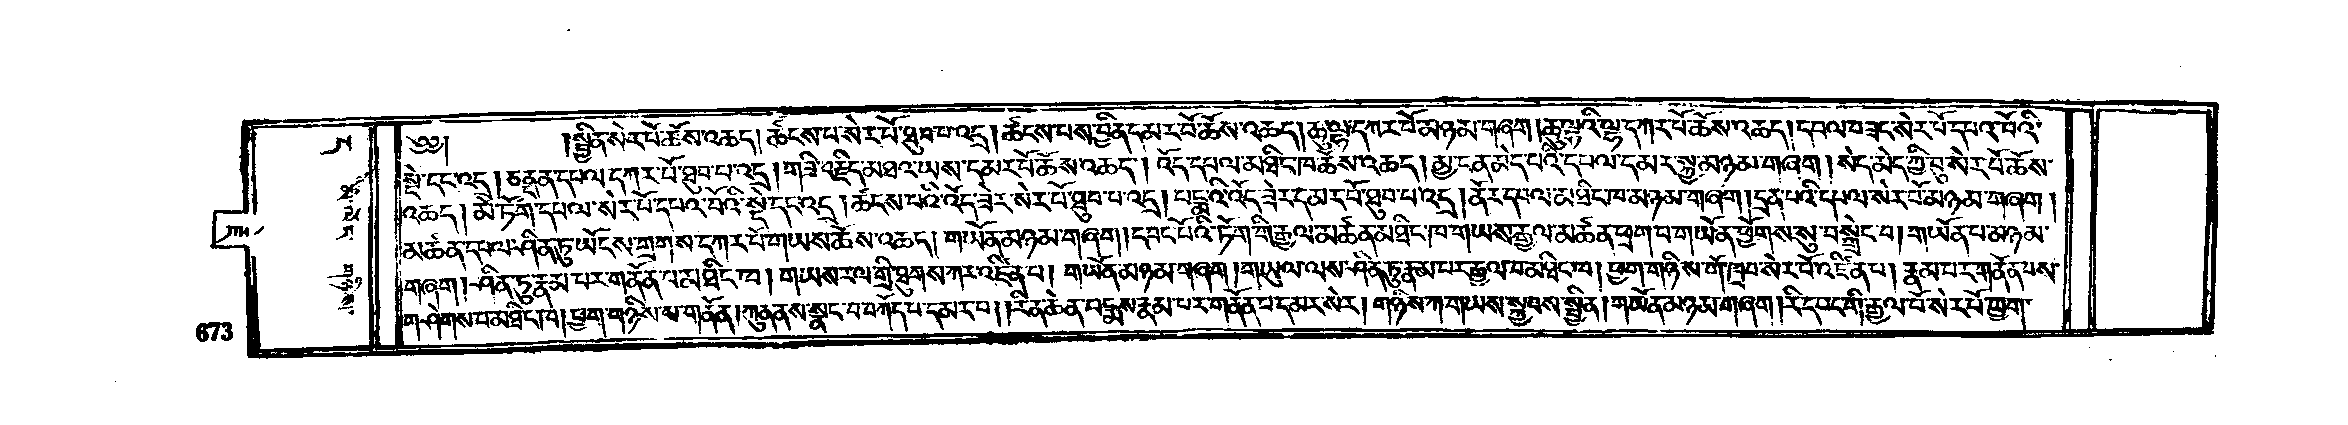༄༅། །སྦྱིན་སེར་པོ་ཆོས་འཆད། ཚངས་པ་སེར་པོ་ཐུབ་པ་འདྲ། ཚངས་པས་བྱིན་དམར་པོ་ཆོས་འཆད། ཆུ་ལྷ་དཀར་པོ་མཉམ་གཞག །ཆུ་ལྷའི་ལྷ་དཀར་པོ་ཆོས་འཆད། དཔལ་བཟང་སེར་པོ་དཔའ་བོའི་
སྡེ་དང་འདྲ། ཙནྡན་དཔལ་དཀར་པོ་ཐུབ་པ་འདྲ། གཟི་བརྗིད་མཐའ་ཡས་དམར་པོ་ཆོས་འཆད། འོད་དཔལ་མཐིང་ཁ་ཆོས་འཆད། མྱ་ངན་མེད་པའི་དཔལ་དམར་སྐྱ་མཉམ་གཞག །སེད་མེད་ཀྱི་བུ་སེར་པོ་ཆོས་
འཆད། མེ་ཏོག་དཔལ་སེར་པོ་དཔའ་བོའི་སྡེ་དང་འདྲ། ཚངས་པའི་འོད་ཟེར་སེར་པོ་ཐུབ་པ་འདྲ། པདམ་འི་འོད་ཟེར་དམར་པོ་ཐུབ་པ་འདྲ། ནོར་དཔལ་མཐིང་ཁ་མཉམ་གཞག །དྲན་པའི་དཔལ་སེར་པོ་མཉམ་གཞག །
མཚན་དཔལ་ཤིན་ཏུ་ཡོངས་གྲགས་དཀར་པོ་གཡས་ཆོས་འཆད། གཡོན་མཉམ་གཞག །དབང་པོའི་ཏོག་གི་རྒྱལ་མཚན་མཐིང་ཁ་གཡས་རྒྱལ་མཚན་ཕྲག་པ་གཡོན་ཕྱོགས་སུ་བསྒྲེང་བ། གཡོན་པ་མཉམ་
གཞག །ཤིན་ཏུ་རྣམ་པར་གནོན་པ་མཐིང་ཁ། གཡས་རལ་གྲི་ཐུགས་ཀར་འཛིན་པ། གཡོན་མཉམ་གཞག །གཡུལ་ལས་ཤིན་ཏུ་རྣམ་པར་རྒྱལ་བ་མཐིང་ཁ་།ཕྱག་གཉིས་གོ་ཁྲབ་སེར་པོ་འཛིན་པ། རྣམ་པར་གནོན་པས་
གཤེགས་པ་མཐིང་ཁ་།ཕྱག་གཉིས་ས་གནོན། ཀུན་ནས་སྣང་བ་བཀོད་པ་དམར་བ། །རིན་ཆེན་པདམས་རྣམ་པར་གནོན་པ་དམར་སེར། གཉིས་ཀ་གཡས་སྐྱབས་སྦྱིན། གཡོན་མཉམ་གཞག །རི་དབང་གི་རྒྱལ་པོ་སེར་པོ་ཕྱག་